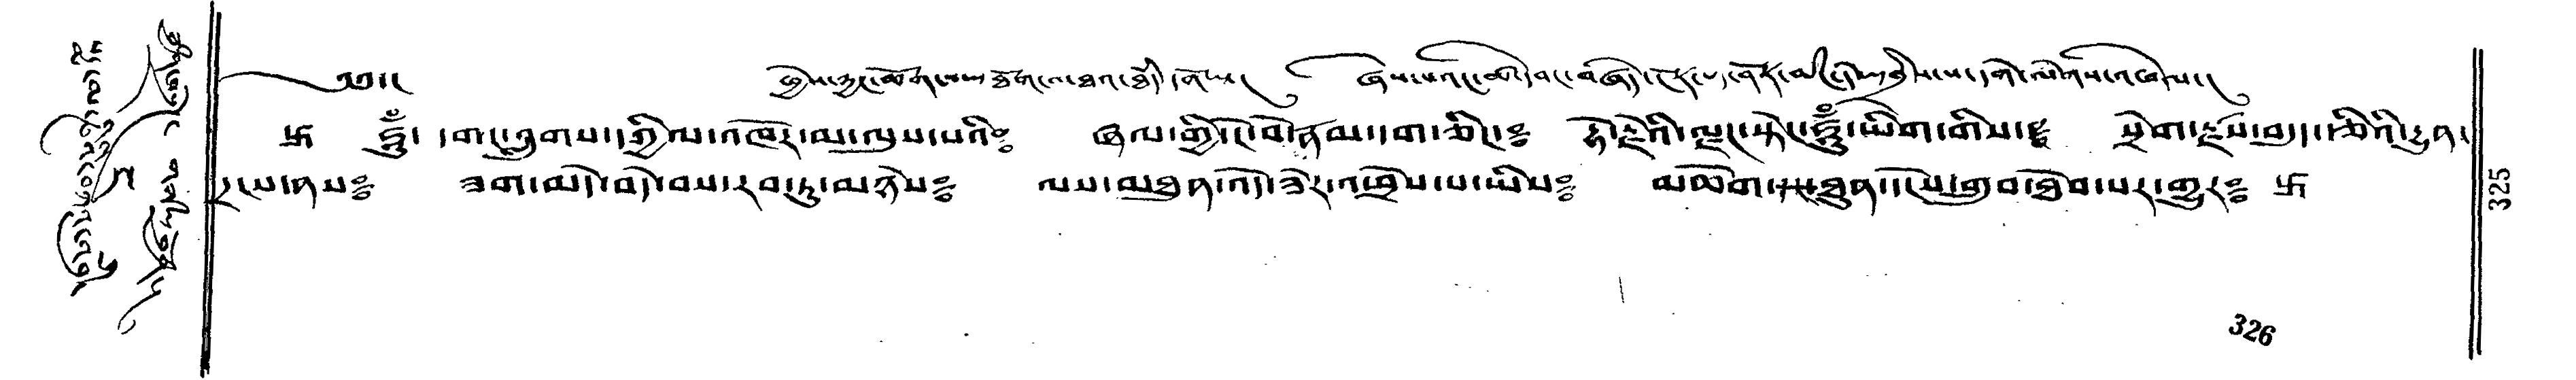ཕྱེས་ཀྱང་ཆོག་པས་ཐོག་མཐའ་ཐམས་ཅད་དགོས། ཞེས་པའང་ཚེ་དབང་བཞེད་ངོར་པད་ནོར་མིང་དེས་བྲིས་པ་དགེ་ལེགས་འཕེལ།། 
ཧཱུྃ༔ དགང་བླུགས་དཀྱིལ་འཁོར་མ་ལུས་པའི༔ ཞལ་གྱི་ངོ་བོ་རྣམ་དག་ཅིང༔ རྡོ་རྗེ་ལྗགས་སྟེང་ཧཱུྃ་ཡིག་གིས༔ སྲེག་རྫས་བདུད་རྩིའི་རྒྱུན་
དྲངས་ནས༔ ཟག་མེད་བདེ་བས་རབ་ཏུ་མཉེས༔ ལས་མཐུན་འོད་ཟེར་འཕྲོས་པ་ཡིས༔ མཆོག་ཐུན་དངོས་གྲུབ་ཐོབ་པར་གྱུར༔